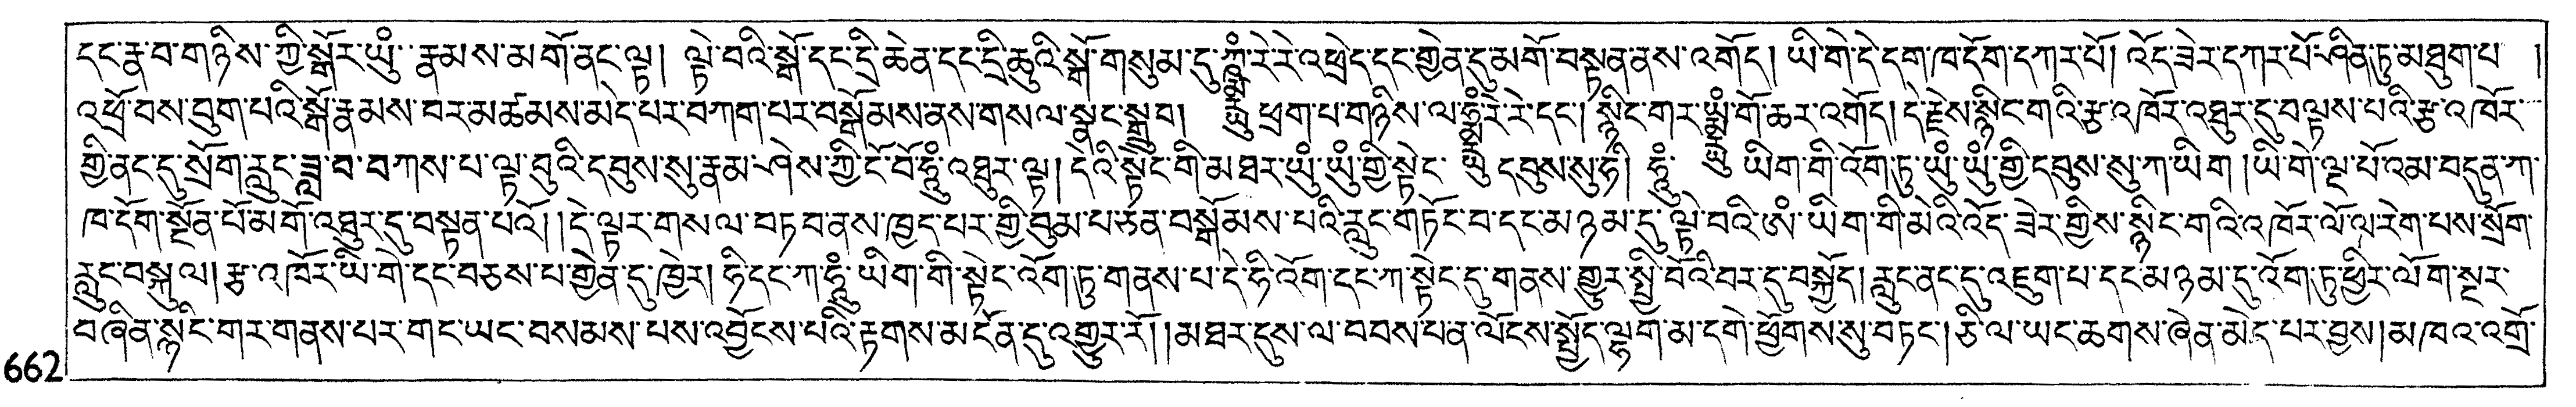དང་རྣ་བ་གཉིས་ཀྱི་སྒོར་ཡུཾ་རྣམས་མགོ་ནང་ལྟ། ལྟེ་བའི་སྒོ་དང་དྲི་ཆེན་དང་དྲི་ཆུའི་སྒོ་གསུམ་དུ་ཀྵྨྲྱུཾ་རེ་རེ་འཕྲེད་དང་གྱེན་དུ་མགོ་བསྟན་ནས་འགོད། ཡི་གེ་དེ་དག་ཁ་དོག་དཀར་པོ། འོད་ཟེར་དཀར་པོ་ཤིན་ཏུ་མཐུག་པ།
འཕྲོ་བས་བུག་པའི་སྒོ་རྣམས་བར་མཚམས་མེད་པར་བཀག་པར་བསྒོམས་ནས་གསལ་སྣང་སྒྲུབ། ཕྲག་པ་གཉིས་ལ་ཧྨརྱུཾ་རེ་རེ་དང་། སྙིང་གར་ཡྨརྱུཾ་གོ་ཆར་འགོད། དེ་རྗེས་སྙིང་གའི་རྩ་འཁོར་འཐུར་དུ་བལྟས་པའི་རྩ་འཁོར་
གྱི་ནང་དུ་སྲོག་རླུང་ཟླ་བ་བཀས་པ་ལྟ་བུའི་དབུས་སུ་རྣམ་ཤེས་ཀྱི་ངོ་བོ་ཧཱུཾ་འཐུར་ལྟ། དེའི་སྟེང་གི་མཐར་ཡུཾ་ཡུཾ་གྱི་སྟེང་དབུས་སུ་ཧི། ཧཱུཾ་ཡིག་གི་འོག་ཏུ་ཡུཾ་ཡུཾ་གྱི་དབུས་སུ་ཀ་ཡིག །ཡི་གེ་ལྔ་པོ་འམ་བདུན་ཀ་
ཁ་དོག་སྔོན་པོ་མགོ་འཐུར་དུ་བསྟན་པའོ། །དེ་ལྟར་གསལ་བཏབ་ནས་ཁྱད་པར་གྱི་བུམ་པ་ཅན་བསྒོམས་པའི་རླུང་གཏོང་བ་དང་མཉམ་དུ་ལྟེ་བའི་ཨཾ་ཡིག་གི་མེའི་འོད་ཟེར་གྱིས་སྙིང་གའི་འཁོར་ལོ་ལ་རེག་པས་སྲོག་
རླུང་བསྐུལ། རྩ་འཁོར་ཡི་གེ་དང་བཅས་པ་གྱེན་དུ་ཁྱེར། ཧི་དང་ཀ་ཧཱུཾ་ཡིག་གི་སྟེང་འོག་ཏུ་གནས་པ་དེ་ཧི་འོག་དང་ཀ་སྟེང་དུ་གནས་གྱུར་སྤྱི་བོའི་བར་དུ་བསྐྱོད། རླུང་ནང་དུ་འཇུག་པ་དང་མཉམ་དུ་འོག་ཏུ་ཕྱིར་ལོག་སྔར་
བཞིན་སྙིང་གར་གནས་པར་གང་ཡང་བསམས་པས་འབྱོངས་པའི་རྟགས་མངོན་དུ་འགྱུར་རོ། །མཐར་དུས་ལ་བབས་པ་ན་ལོངས་སྤྱོད་ལྷག་མ་དགེ་ཕྱོགས་སུ་བཏང་། ཅི་ལ་ཡང་ཆགས་ཞེན་མེད་པར་བྱས། མཁའ་འགྲོ་